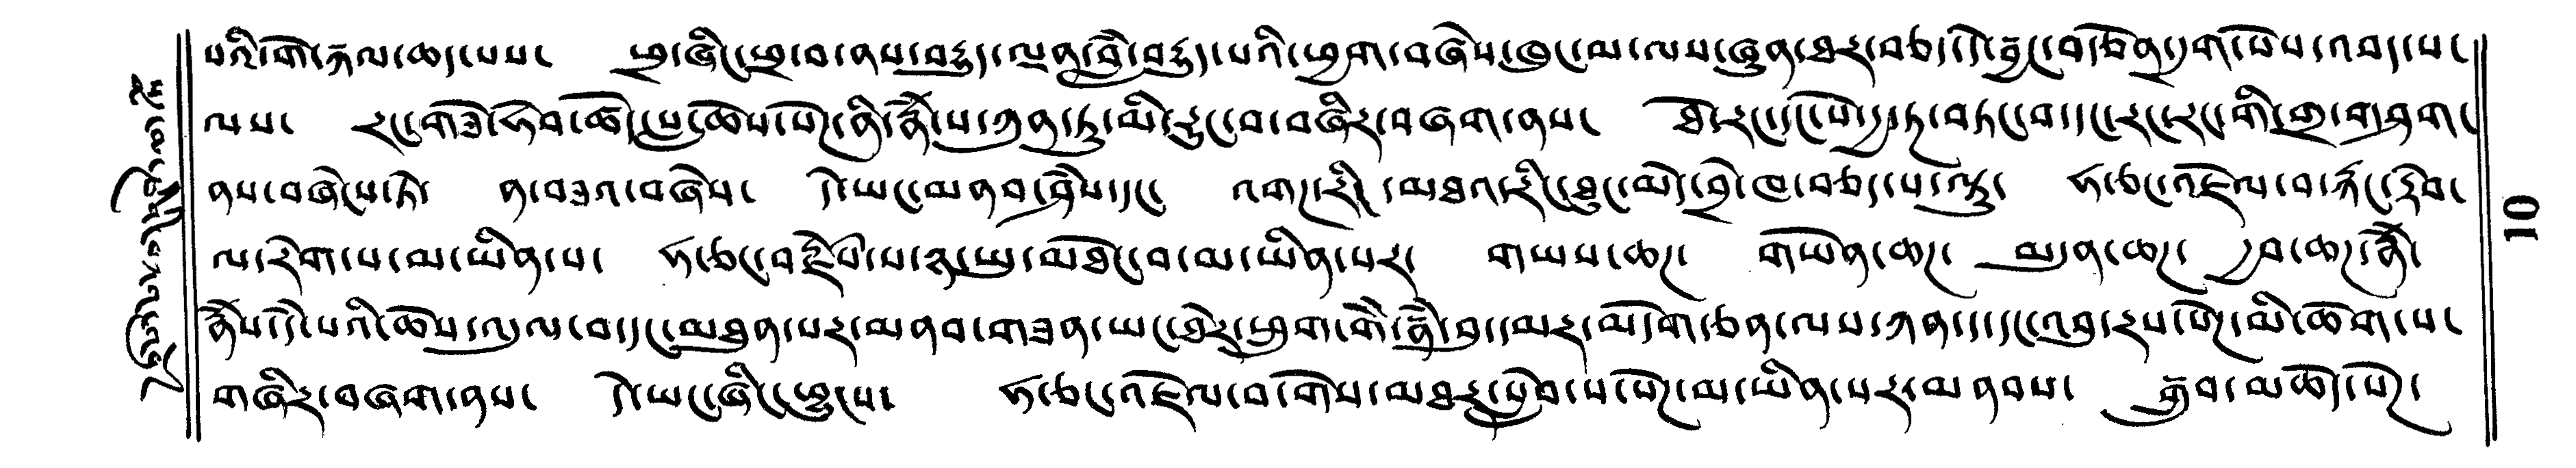པའི་གོ་སྐལ་ཆད་པས། ཕྲ་ཞིང་ཕྲ་བ་ནས་བརྒྱུད་ལྡན་བླ་མ་བརྒྱུད་པའི་ཕྱག་བཞེས་ཁུངས་མ་ལས་ཞུན་ཐར་བཅད་དེ་སྦྱང་བརྩོན་དྲག་པོས་འབད་པ་
ལས། རང་གཟོ་ཧོབ་ཚོད་སླ་ཆོས་སོགས་ནི་རྣམ་པ་ཀུན་ཏུ་མི་རུང་བ་གཞིར་བཞག་ནས། ཐོ་རངས་དང་པོ་རྒྱ་རྔ་བཏང་བ་དང་རང་རང་གི་གྲྭ་ཤག་
ནས་བཞེངས་ཏེ་ན་བཟའ་བཞེས། དེ་ཡང་མནབ་ཤམས་དང་འགག་རིང་གི་མཐའ་རིང་ཐུང་མེད་པ་བྲེ་ཁ་བཅད་པ་ལྟ་བུ། ཧ་ཅང་འཇོལ་བ་རྐང་རྟེབ་
ལ་རེག་པ་མ་ཡིན་པ། ཧ་ཅང་བརྫེས་པ་ཉ་ཡུ་མཐོང་བ་མ་ཡིན་པར། གཡས་ཆགས། གཡོན་ཆགས། མདུན་ཆགས། རྒྱབ་ཆགས་རྣམས་
དམ་པའི་ཆོས་འདུལ་བ་དང་མཐུན་པར་མནབ། གཟན་ཡང་ཐེར་ཕྲུག་གམ་སྣམ་བུ་དམར་མདོག་ཅན་ལས་ཀན་ད་དང་འབུ་རས་སོགས་མི་ཆོག་པ་
གཞིར་བཞག་ནས། དེ་ཡང་ཞེང་ཆུངས། ཧ་ཅང་འཇོལ་བ་གོས་མཐར་སླེབ་པ་སོགས་མ་ཡིན་པར་མནབས། སྒྲུབ་མཆོད་སོགས་